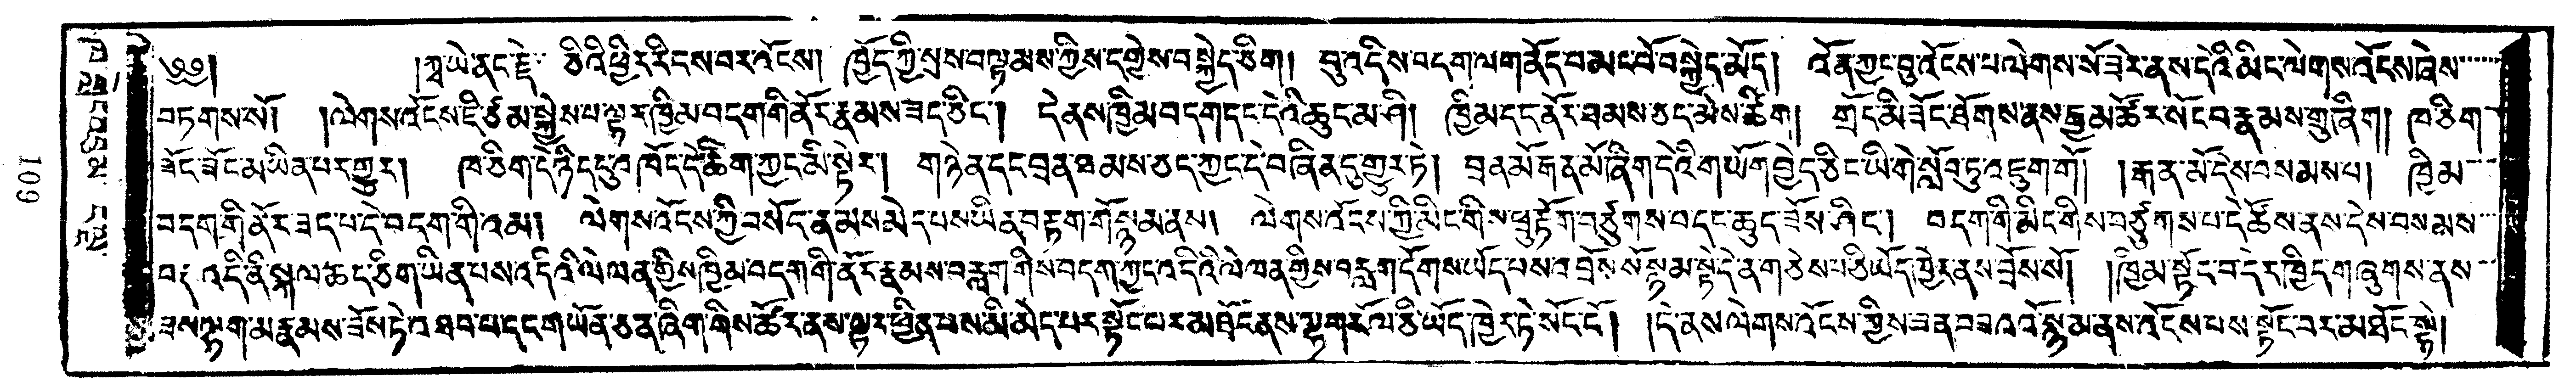༄༅། །ཀྭ་ཡེ་ནང་རྗེ༑ ཅིའི་ཕྱིར་རིངས་བར་འོངས། ཁྱོད་ཀྱི་སྲས་བལྟམས་ཀྱིས་དགྱེས་བསྐྱེད་ཅིག། བུ་འདིས་བདག་ལ་གནོད་པ་མང་པོ་བསྐྱེད་མོད། འོན་ཀྱང་བུ་འོངས་པ་ལེགས་སོ་ཟེར་ནས་དེའི་མིང་ལེགས་འོངས་ཞེས་
བཏགས་སོ། །ལེགས་འོངས་ཇི་ཙམ་སྐྱེས་པ་ལྟར་ཁྱིམ་བདག་གི་ནོར་རྣམས་ཟད་ཅིང་། དེ་ནས་ཁྱིམ་བདག་དང་དེའི་ཆུང་མ་ཤི། ཁྱིམ་དང་ནོར་ཐམས་ཅད་མེས་ཚིག། གྲོང་མི་ཟོང་ཐོགས་ནས་རྒྱ་མཚོར་སོང་བ་རྣམས་གྲུ་ཞིག། ཁ་ཅིག་
ཟོང་ཟོང་མ་ཡིན་པར་གྱུར། ཁ་ཅིག་དེ་ཉིད་དུ་འཁོད་དེ་ཚིག་ཀྱང་མི་སྟེར། གཉེན་དང་བྲན་ཐམས་ཅད་ཀྱང་དེ་བཞིན་དུ་གྱུར་ཏེ། བྲན་མོ་རྒན་མོ་ཞིག་དེའི་གཡོག་བྱེད་ཅིང་ཡི་གེ་སློབ་ཏུ་འཇུག་གོ། །རྒན་མོ་དེས་བསམས་པ། ཁྱིམ་
བདག་གི་ནོར་ཟད་པ་དེ་བདག་གིའམ། ལེགས་འོངས་ཀྱི་བསོད་ནམས་མེད་པས་ཡིན་བརྟག་གོ་སྙམ་ནས། ལེགས་འོངས་ཀྱི་མིང་གིས་ཕྲུ་རྟོག་བཙུགས་བ་དང་ཆུད་ཟོས་ཤིང་། བདག་གི་མིང་གིས་བཙུགས་པ་དེ་ཚོས་ནས་དེས་བསམས་
བ༑ འདི་ནི་སྐལ་ཆད་ཅིག་ཡིན་པས་འདིའི་ལེ་ལན་གྱིས་ཁྱིམ་བདག་གི་ནོར་རྣམས་བརླག་གིས་བདག་ཀྱང་འདིའི་ལེ་ཁན་གྱིས་བརླག་དོགས་ཡོད་པས་འབྲོས་སོ་སྙམ་སྟེ་དེ་ན་གཅེས་པ་ཅི་ཡོད་ཁྱེར་ནས་བྲོས་སོ། །ཁྱིམ་སྟོང་བ་དེར་ཁྱིད་གཞུགས་ནས་
ཟས་ལྷག་མ་རྣམས་ཟོས་ཏེ་འཐབ་པ་དང་གཡོན་ཅན་ཞིག་གིས་ཚོར་ནས་ལྟར་ཕྱིན་པས་མི་མེད་པར་སྟོང་པར་མཐོང་ནས་ལྷག་རོལ་ཅི་ཡོད་ཁྱེར་ཏེ་སོང་ངོ། །དེ་ནས་ལེགས་འོངས་ཀྱིས་ཟན་བཟའ་འོ་སྙམ་ནས་འོངས་པས་སྟོང་བར་མཐོང་སྟེ།